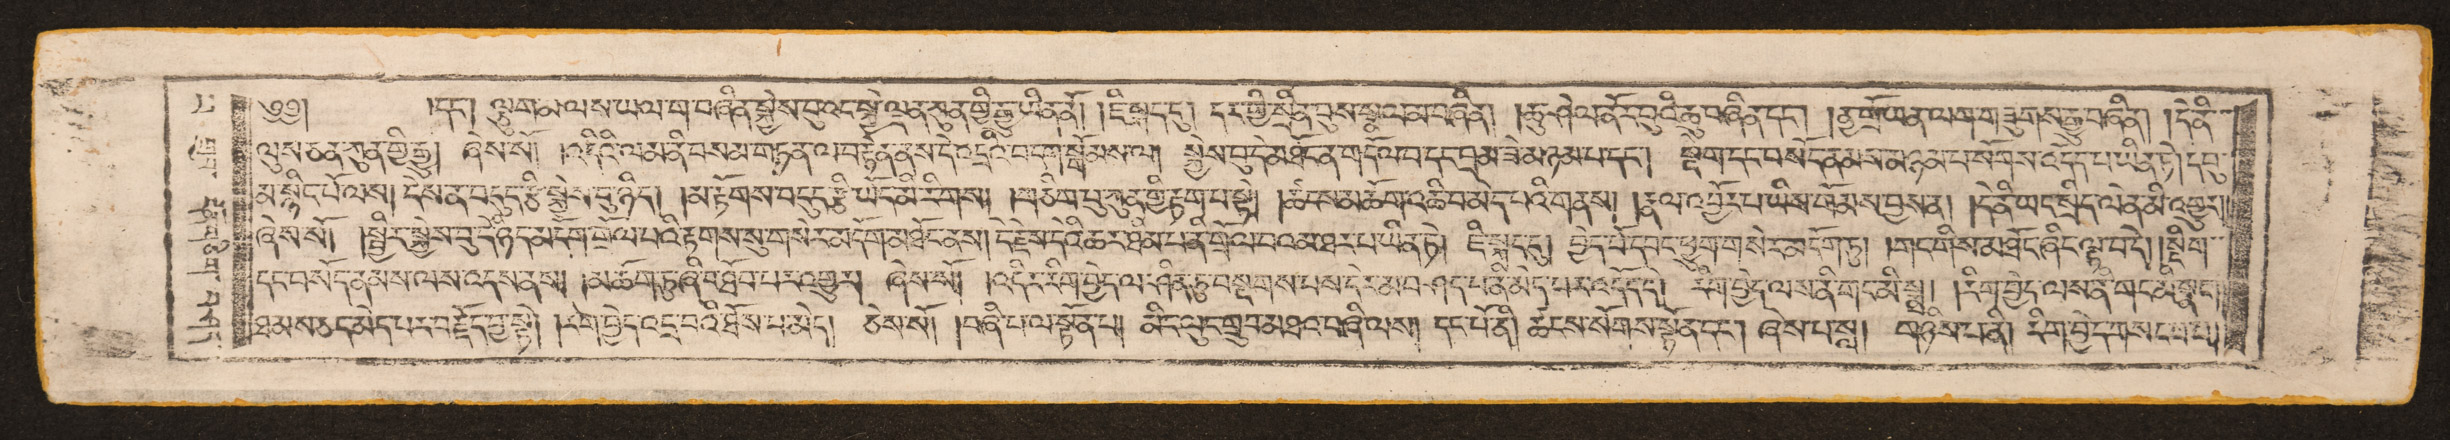༄༅། །དང་། ལྕུག་མ་ལས་ཡལ་ག་བཞིན་སྐྱེས་བུའང་སྐྱེ་ལྡན་ཀུན་གྱི་རྒྱུ་ཡིན་ནོ། །ཇི་སྐད་དུ། དར་གྱི་སྲིན་བུས་སྣལ་མ་བཞིན། །ཆུ་ཤེལ་ནོར་བུའི་ཆུ་བཞིན་དང་། །ནྱ་གྲོ་ཡན་ལག་གཟུགས་རྒྱུ་བཞིན། །དེ་ནི་
ལུས་ཅན་ཀུན་གྱི་རྒྱུ། ཞེས་སོ། །འདིའི་ལམ་ནི་བསམ་གཏན་ལ་བརྟེན་ནས་དེ་འདྲའི་བདག་སྒོམས་ལ། སྐྱེས་བུ་དེ་མཐོང་ན་གདོལ་བ་དང་བྲམ་ཟེ་མཉམ་པ་དང་། སྡིག་དང་བསོད་ནམས་མཉམ་པ་སོགས་འདོད་པ་ཡིན་ཏེ། དབུ་
མ་སྙིང་པོ་ལས། ངེས་ན་བདུད་རྩི་སྐྱེས་བུ་ཉིད། །མ་རྟོགས་བདུད་རྩི་ཡོད་མི་རིགས། །གཅིག་པུ་ཀུན་གྱི་རྟག་པ་སྟེ། །ཚངས་མཆོག་འཆི་བ་མེད་པའི་གནས། །རྣལ་འབྱོར་པ་ཡིས་གོམས་བྱས་ན། །དེ་ནི་ཡང་སྲིད་ལེན་མི་འགྱུར།།
ཞེས་སོ། །སྦྱིར་སྐྱེས་བུ་དེ་ཉིད་མདོག་གྲོལ་པའི་རྟགས་སུ་གསེར་མདོག་མཐོང་ནས། དེ་རྗེས་དེའི་ཆར་ཐིམ་པ་ནི་གྲོལ་བའམ་ཐར་པ་ཡིན་ཏེ། ཇི་སྐད་དུ། བྱེད་པོ་དབང་ཕྱུག་གསེར་མདོག་ཏུ། །གང་གིས་མཐོང་ཞིང་ལྟ་བ་དེ། །སྡིག་
དང་བསོད་ནམས་ལས་འདས་ནས། །མཆོག་ཏུ་ཞི་བ་ཐོབ་པར་འགྱུར། ཞེས་སོ། །འདིར་རིག་བྱེད་ལ་ཤིན་ཏུ་བསྡགས་པས་དེར་མ་བཤད་པ་ནི་མེད་པར་འདོད་དེ། རིག་བྱེད་ལས་ནི་གང་མི་སྨྲ། །རིག་བྱེད་ལས་ནི་གང་མི་སྣང་།
ཐམས་ཅད་མེད་པར་བརྗོད་བྱ་སྟེ། །རེག་བྱེད་འདྲ་བའི་ཐོས་པ་མེད། ཅེས་སོ། །བཞི་པ་ལ་སྟོན་པ། མིང་ལུང་གྲུབ་མཐའ་བཞི་ལས། དང་པོ་ནི། ཚངས་སོགས་སྟོན་དང་། ཞེས་པ་སླ། གཉིས་པ་ནི། རིག་བྱེད་གསང་པ་པ།